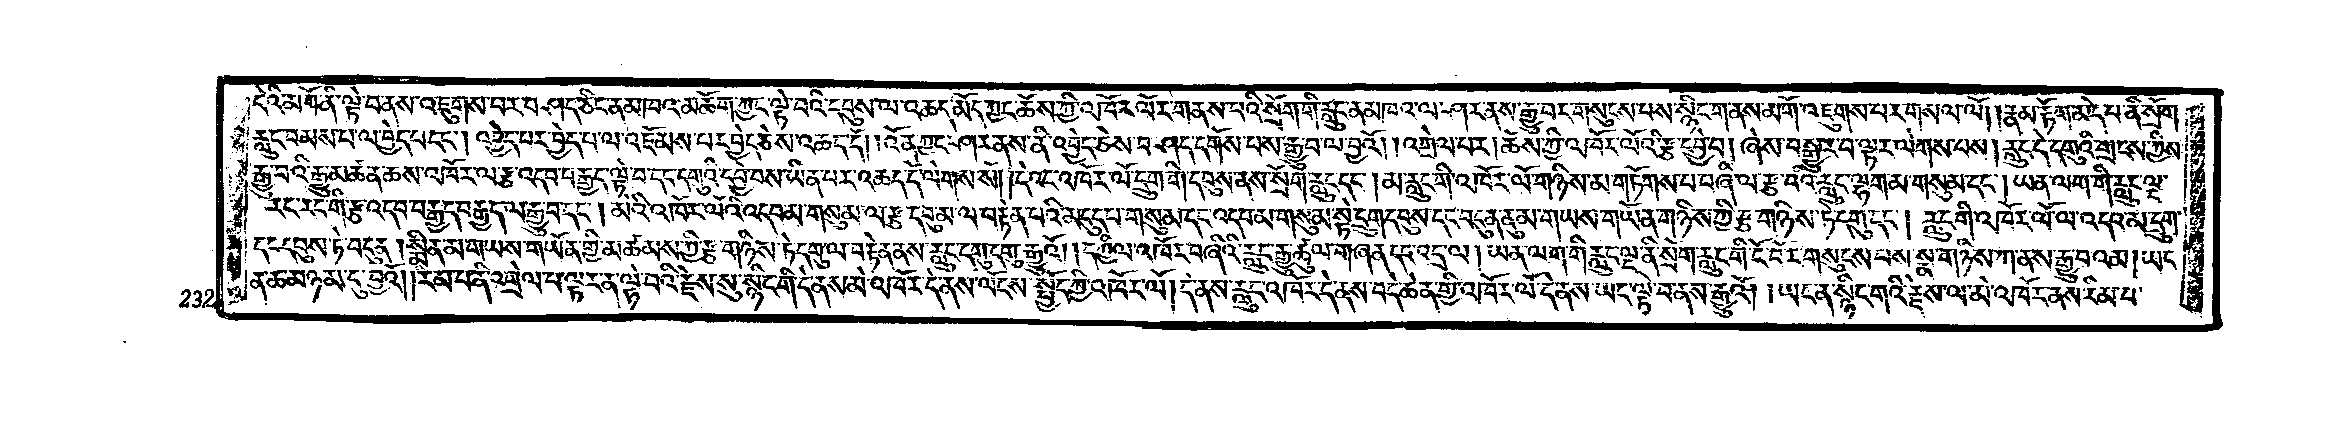དེའི་མགོ་ནི་ལྟེ་བ་ནས་འཇུགས་པར་བཤད་ཅིང་ནམ་མཁའ་མཆོག་ཀྱང་ལྟེ་བའི་དབུས་ལ་འཆད་མོད་ཀྱང་ཆོས་ཀྱི་འཁོར་ལོར་གནས་པའི་སྲོག་གི་རླུང་ནམ་མཁའ་ལ་ཤར་ནས་རྒྱུ་བར་གསུངས་པས་སྙིང་གནས་མགོ་འཇུགས་པར་གསལ་ལོ། །རྣམ་རྟོག་མེད་པ་ནི་སྲོག་
རླུང་བམས་པོ་ལ་བྱེད་པ་དང་། འབྱེད་པར་བྱེད་པ་ལ་འཇོམས་པར་བྱེད་ཅེས་འཆད་དོ། །འོན་ཀྱང་ཤར་ནས་ནི་འབྱེད་ཅེས་བཤད་དགོས་པས་རྒྱུ་བ་ལ་བྱའོ། །འགྲེལ་པར། ཆོས་ཀྱི་འཁོར་ལོའི་རྩ་དབྱེ་བ། ཞེས་བསྒྱུར་བ་ལྟར་ལེགས་པས། རླུང་དེ་དགུའི་གྲངས་ཀྱིས་
རྒྱུ་བའི་རྒྱུ་མཚན་ཆོས་འཁོར་ལ་རྩ་འདབ་བརྒྱད་ལྟེ་བ་དང་དགུའི་དབྱེ་བས་ཡིན་པར་འཆད་དེ་ལེགས་སོ། །དེའང་འཁོར་ལོ་དྲུག་གི་དབུས་ནས་སྲོག་རླུང་དང་། མ་རླུང་གི་འཁོར་ལོ་གཉིས་མ་གཏོགས་པ་བཞི་ལ་རྩ་བའི་རླུང་ལྷག་མ་གསུམ་དང་། ཡན་ལག་གི་རླུང་ལྔ་
རང་རང་གི་རྩ་འདབ་བརྒྱད་བརྒྱད་ལ་རྒྱུ་བ་དང་། མེའི་འཁོར་ལོའི་འདབ་མ་གསུམ་ལ་རྩ་དབུ་མ་ལ་བརྟེན་པའི་མདུད་པ་གསུམ་དང་འདབ་མ་གསུམ་སྟེ་དྲུག་དབུས་དང་བདུན་ནུ་མ་གཡས་གཡོན་གཉིས་ཀྱི་རྩ་གཉིས་ཏ་དགུ་དང་། རླུང་གི་འཁོར་ལོ་ལ་འདབ་མ་དྲུག་
དང་དབུས་ཏེ་བདུན། སྨིན་མ་གཡས་གཡོན་གྱི་མཚམས་ཀྱི་རྩ་གཉིས་ཏེ་དགུ་ལ་བརྟེན་ནས་རླུང་དགུ་དགུ་རྒྱུའོ། །དཀྱིལ་འཁོར་བཞིའི་རླུང་རྒྱུ་ཚུལ་གཞན་དང་འདྲ་ལ། ཡན་ལག་གི་རླུང་ལྔ་ནི་སྲོག་རླུང་གི་ངོ་བོར་གསུངས་པས་སྣ་གཉིས་ཀ་ནས་རྒྱུ་བའམ། ཡང་
ན་ཆ་མཉམ་དུ་བྱའོ། །རིམ་པ་ནི་འགྲེལ་པ་ལྟར་ན་ལྟེ་བའི་རྗེས་སུ་སྙིང་གི་དེ་ནས་མེ་འཁོར་དེ་ནས་ལོངས་སྤྱོད་ཀྱི་འཁོར་ལོ། དེ་ནས་རླུང་འཁོར་དེ་ནས་བདེ་ཆེན་གྱི་འཁོར་ལོ་དེ་ནས་ཡང་ལྟེ་བ་ནས་རྒྱུའོ། །ཡང་ན་སྙིང་གའི་རྗེས་ལ་མེ་འཁོར་ནས་རིམ་པ་